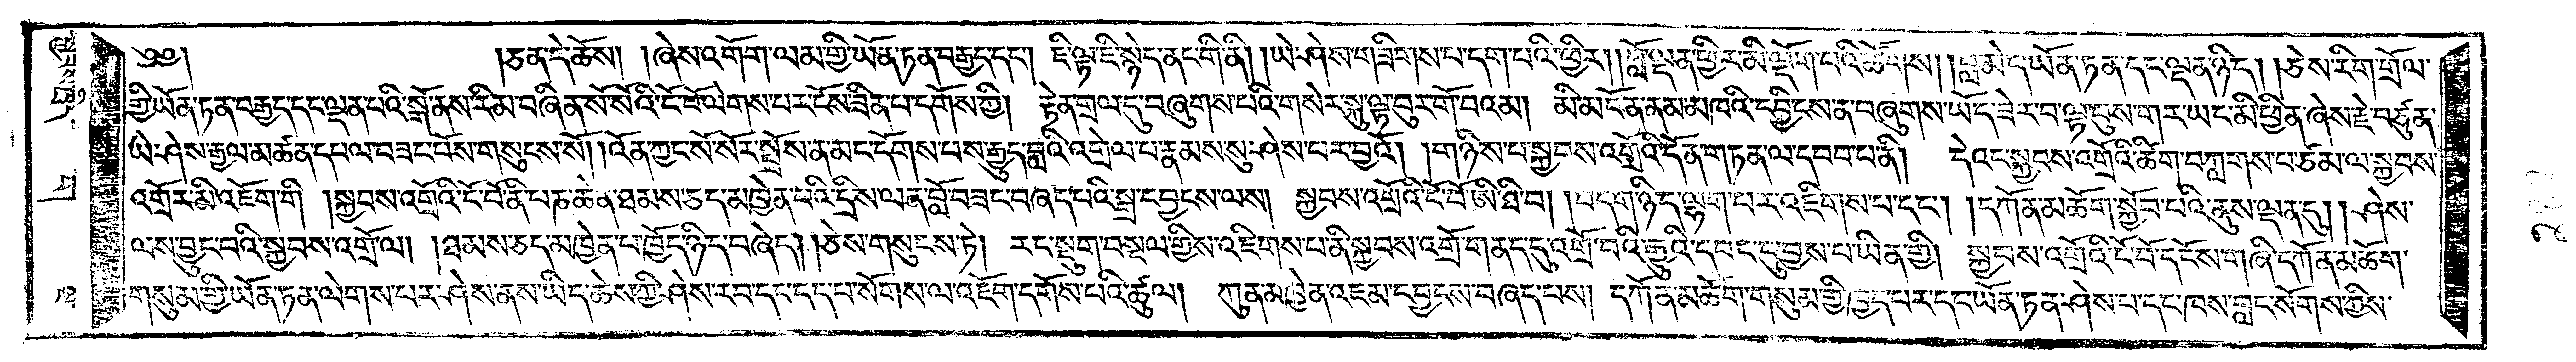༄༅། །ཅན་དེ་ཆོས། །ཞེས་འགོག་ལམ་གྱི་ཡོན་ཏན་བརྒྱད་དང་། ཇི་ལྟ་ཇི་སྙེད་ནང་གི་ནི། །ཡེ་ཤེས་གཟིགས་པ་དག་པའི་ཕྱིར། །བློ་ལྡན་ཕྱིར་མི་ལྡོག་པའི་ཚོགས། །བླ་མེད་ཡོན་ཏན་དང་ལྡན་ཉིད། །ཅེས་རིག་གྲོས་
གྱི་ཡོན་ཏན་བརྒྱད་དང་ལྡན་པའི་སྒོ་ནས་རིམ་བཞིན་སོ་སོའི་ངོ་བོ་ལེགས་པར་ངོས་ཟིན་པ་དགོས་ཀྱི། རྟེན་གྲལ་དུ་བཞུགས་པའི་གསེར་སྐུ་ལྟ་བུར་གོ་བའམ། མི་མངོན་ནམ་མཁའི་དབྱིངས་ན་བཞུགས་ཡོད་ཟེར་བ་ལྟ་བུས་གར་ཡང་མི་ཕྱིན་ཞེས་རྗེ་བཙུན་
ཡེ་ཤེས་རྒྱལ་མཚན་དཔལ་བཟང་པོས་གསུངས་སོ། །འོན་ཀྱང་སོ་སོར་སྤྲོས་ན་མང་དོགས་པས་རྒྱུད་བླའི་འགྲེལ་པ་རྣམས་སུ་ཤེས་པར་བྱའོ། །གཉིས་པ་སྐྱབས་འགྲོའི་དོན་གཏན་ལ་དབབ་པ་ནི། དེའང་སྐྱབས་འགྲོའི་ཚིག་བཀླགས་པ་ཙམ་ལ་སྐྱབས་
འགྲོར་མི་འཇོག་གི །སྐྱབས་འགྲོའི་ངོ་བོ་ནི་པཎ་ཆེན་ཐམས་ཅད་མཁྱེན་པའི་དྲིས་ལན་བློ་བཟང་བཞད་པའི་སྒྲ་དབྱངས་ལས། སྐྱབས་འགྲོའི་ངོ་བོ་ཨི་ཐི་བ། །བདག་ཉིད་ལྷག་པར་འཇིགས་པ་དང་། །དཀོན་མཆོག་སྐྱོབ་པའི་ནུས་ལྡན་དུ། །ཤེས་
ལས་བྱུང་བའི་སྐྱབས་འགྲོ་ལ། །ཐམས་ཅད་མཁྱེན་པ་ཁྱོད་ཉིད་བཞེད། །ཅེས་གསུངས་ཏེ། རང་སྡུག་བསྔལ་གྱིས་འཇིགས་པ་ནི་སྐྱབས་འགྲོ་གནད་དུ་འགྲོ་བའི་རྒྱུའི་དབང་དུ་བྱས་པ་ཡིན་གྱི། སྐྱབས་འགྲོའི་ངོ་བོ་དངོས་གཞི་དཀོན་མཆོག་
གསུམ་གྱི་ཡོན་ཏན་ལེགས་པར་ཤེས་ནས་ཡིད་ཆེས་ཀྱི་ཤེས་རབ་དང་དད་བ་སོགས་ལ་འཇོག་དགོས་པའི་ཚུལ། ཀུན་མཁྱེན་འཇམ་དབྱངས་བཞད་པས། དཀོན་མཆོག་གསུམ་གྱི་ཁྱད་པར་དང་ཡོན་ཏན་ཤེས་པ་དང་ཁས་བླང་སོགས་ཀྱིས་